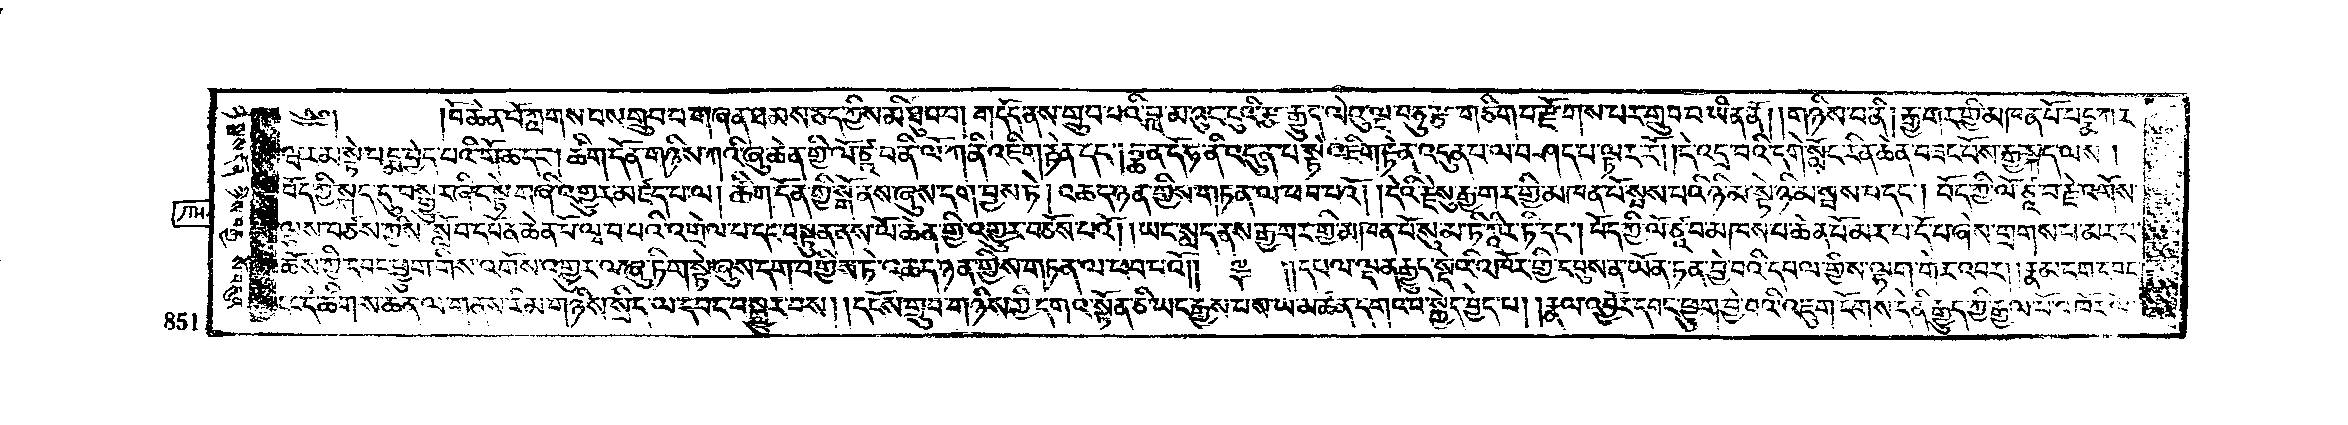༄༅། །བོ་ཆེན་པོ་ཀླགས་པས་གྲུབ་པ་གཞན་ཐམས་ཅད་ཀྱིས་མི་ཐུབ་པ། གདོད་ནས་གྲུབ་པའི་བླ་མ་ཉུང་ངུའི་རྩ་རྒྱུད་ལེའུ་ལྔ་བཅུ་རྩ་གཅིག་པ་རྫོགས་པར་གྲུབ་པ་ཡིན་ནོ། །གཉིས་པ་ནི། རྒྱ་གར་གྱི་མཁན་པོ་པདམ་ཀར་
ཝར་མ་སྟེ་པདམ་བྱེད་པའི་གོ་ཆ་དང་། ཚིག་དོན་གཉིས་ཀའི་ཞུ་ཆེན་གྱི་ལོ་ཙཱ་བ་ནི་ལོ་ཀ་ནི་འཇིག་རྟེན་དང་། ཙྪན་དོ་ཧ་ནི་འདུན་པ་སྟེ་འཇིག་རྟེན་འདུན་པ་ལ་བཤད་པ་ལྟར་རོ། །དེ་འདྲ་བའི་དགེ་སློང་རིན་ཆེན་བཟང་པོས་རྒྱ་སྐད་ལས།
བོད་ཀྱི་སྐད་དུ་བསྒྱུར་ཞིང་སྟེ་གཞི་འགྱུར་མཛད་པ་ལ། ཚིག་དོན་གྱི་སྒོ་ནས་ཞུས་དག་བྱས་ཏེ། འཆད་ཉན་གྱིས་གཏན་ལ་ཕབ་པའོ། །དེའི་རྗེས་སུ་རྒྱ་གར་གྱི་མཁན་པོ་སྦས་པའི་ཉི་མ་སྟེ་ཉི་མ་སྦས་པ་དང་། བོད་ཀྱི་ལོ་ཙཱ་བ་རྗེ་འགོས་
ལྷས་བཙས་ཀྱིས་སློབ་དཔོན་ཆེན་པོ་ལྭ་བ་པའི་འགྲེལ་པ་དང་བསྟུན་ནས་ལོ་ཆེན་གྱི་འགྱུར་བཅོས་པའོ། །ཡང་སླད་ནས་རྒྱ་གར་གྱི་མཁན་པོ་སུ་མ་ཏི་ཀཱིར་ཏི་དང་། བོད་ཀྱི་ལོ་ཙཱ་བ་མཁས་པ་ཆེན་པོ་མར་པ་དོ་པ་ཞེས་གྲགས་པ་མར་བ་
ཆོས་ཀྱི་དབང་ཕྱུག་གིས་འགོས་འགྱུར་ལ་ཞུ་ཏིག་སྟེ་ཞུས་དག་བགྱིས་ཏེ་འཆད་ཉན་གྱིས་གཏན་ལ་ཕབ་པའོ།། ༈ །།དཔལ་ལྡན་རྒྱུད་སྡེའི་འཁོར་གྱི་དབུས་ན་ཡོན་ཏན་བྱེ་བའི་དཔལ་གྱིས་ལྷག་གེར་འབར། །རྣམ་དག་དབང་
དང་དཾ་ཚིག་ས་ཆེན་ལ་གནས་རིམ་གཉིས་སྲིད་ལ་དབང་བསྒྱུར་བས། །དངོས་གྲུབ་གཉིས་ཀྱི་དགའ་སྟོན་ཅི་ཡང་རྒྱས་པས་ཡ་མཚན་དགའ་བ་སྐྱེད་བྱེད་པ། །རྣལ་འབྱོར་དབང་ཕྱུག་བྱེ་བའི་འཇུག་ངོགས་དེ་ནི་རྒྱུད་ཀྱི་རྒྱལ་པོ་འཁོར་ལོ་